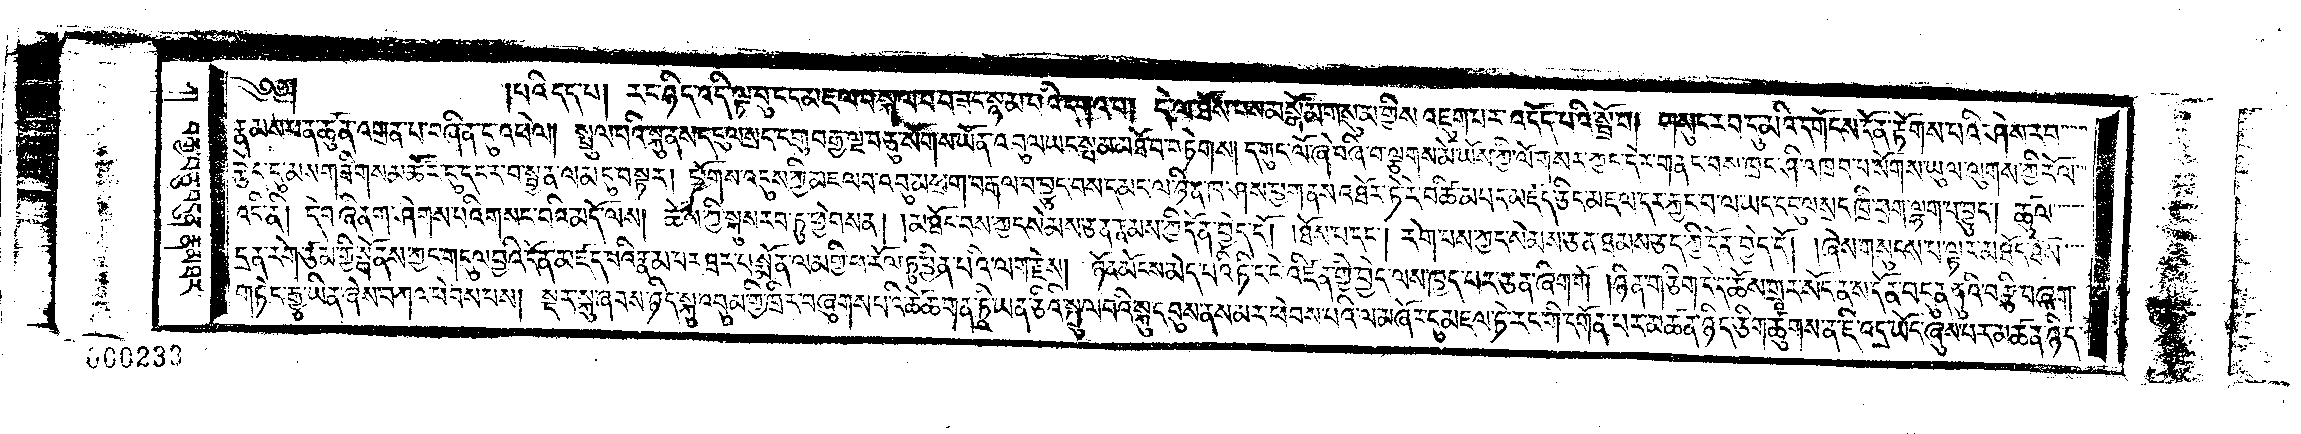༄༅། །པའི་དད་པ། རང་ཉིད་འདི་ལྟ་བུ་དང་མཇལ་བ་སྐལ་བ་བཟང་སྙམ་པའི་དགའ་བ། དེ་ལ་ཐོས་བསམ་སྒོམ་གསུམ་གྱིས་འཇུག་པར་འདོད་པའི་སྤྲོ་བ། གསུང་རབ་དུ་མའི་དགོངས་དོན་རྟོགས་པའི་ཤེས་རབ་
རྣམས་ཕན་ཚུན་འགྲན་པ་བཞིན་དུ་འཕེལ། སྤྲུལ་པའི་སྐུ་ནས་དངུལ་སྲང་དགུ་བརྒྱ་ལྔ་བཅུ་སོགས་ཡོན་འབུལ་ཡང་སྤམ་མཐོ་བ་བཏེགས། དགུང་ལོ་ཞེ་བཞི་པ་ལྕགས་མོ་ཡོས་ཀྱི་ལོ་གསར་ཀྱང་དེར་གནང་བས་ཁྲང་ཤི་འཁྲབ་པ་སོགས་ཡུལ་ལུགས་ཀྱི་རོལ་
རྩེད་དུ་མས་གཟིགས་མོ་ཚར་དུ་དངར་བ་སྤྱན་ལམ་དུ་བསྟར། ཕྱོགས་འདུས་ཀྱི་མཇལ་བ་འབུམ་ཕྲག་བརྒལ་བ་བྱུང་བས་དམང་ལ་ཉིན་ཁ་ཤས་ཕྱག་ནས་འཐོར་ཏེ་རེ་བ་ཆིམ་པར་མཛད་ཅིང་མཇལ་དང་རྐྱང་བ་ལ་ཡང་དངུལ་སྲང་ཁྲི་ཕྲག་ལྷག་པ་བྱུང་། ཚུལ་
འདི་ནི། དེ་བཞིན་གཤེགས་པའི་གསང་བའི་མདོ་ལས། ཆོས་ཀྱི་སྐུས་རབ་ཏུ་ཕྱེ་བས་ན། །མཐོང་བས་ཀྱང་སེམས་ཅན་རྣམས་ཀྱི་དོན་བྱེད་དོ། །ཐོས་པ་དང་། རེག་པས་ཀྱང་སེམས་ཅན་ཐམས་ཅད་ཀྱི་དོན་བྱེད་དོ། །ཞེས་གསུངས་པ་ལྟར་མཐོང་ཐོས་
དྲན་རེག་ཙམ་གྱི་སྒོ་ནས་ཀྱང་གདུལ་བྱའི་དོན་མཛད་པའི་རྣམ་པར་ཐར་པ་སྨོན་ལམ་གྱི་ཕ་རོལ་ཏུ་ཕྱིན་པའི་ལག་རྗེས། ཉོན་མོངས་མེད་པའི་ཏིང་ངེ་འཛིན་གྱི་བྱེད་ལས་ཁྱད་པར་ཅན་ཞིག་གོ །ཉིན་གཅིག་ངེད་ཆོས་གྲྭར་སོང་ནས་དོན་བདུན་ཅུའི་བརྩི་བཞག་
གཏེང་རྒྱུ་ཡིན་ཞེས་བཀའ་ཕེབས་པས། སྔར་སྐུ་ཞབས་ཉིད་སྐུ་འབུམ་གྱི་ཁྲིར་བཞུགས་པའི་ཚེ་ཆ་གན་ཏཱི་ཡན་ཅིའི་སྤྲུལ་པའི་སྐུ་དབུས་ནས་མར་ཕེབས་པའི་ལམ་ཞོར་དུ་མཇལ་ཏེ་རང་གི་དགོན་པར་མཚན་ཉིད་ཅིག་ཚུགས་ན་ཇི་འདྲ་ཡོང་ཞུས་པར་མཚན་ཉིད་